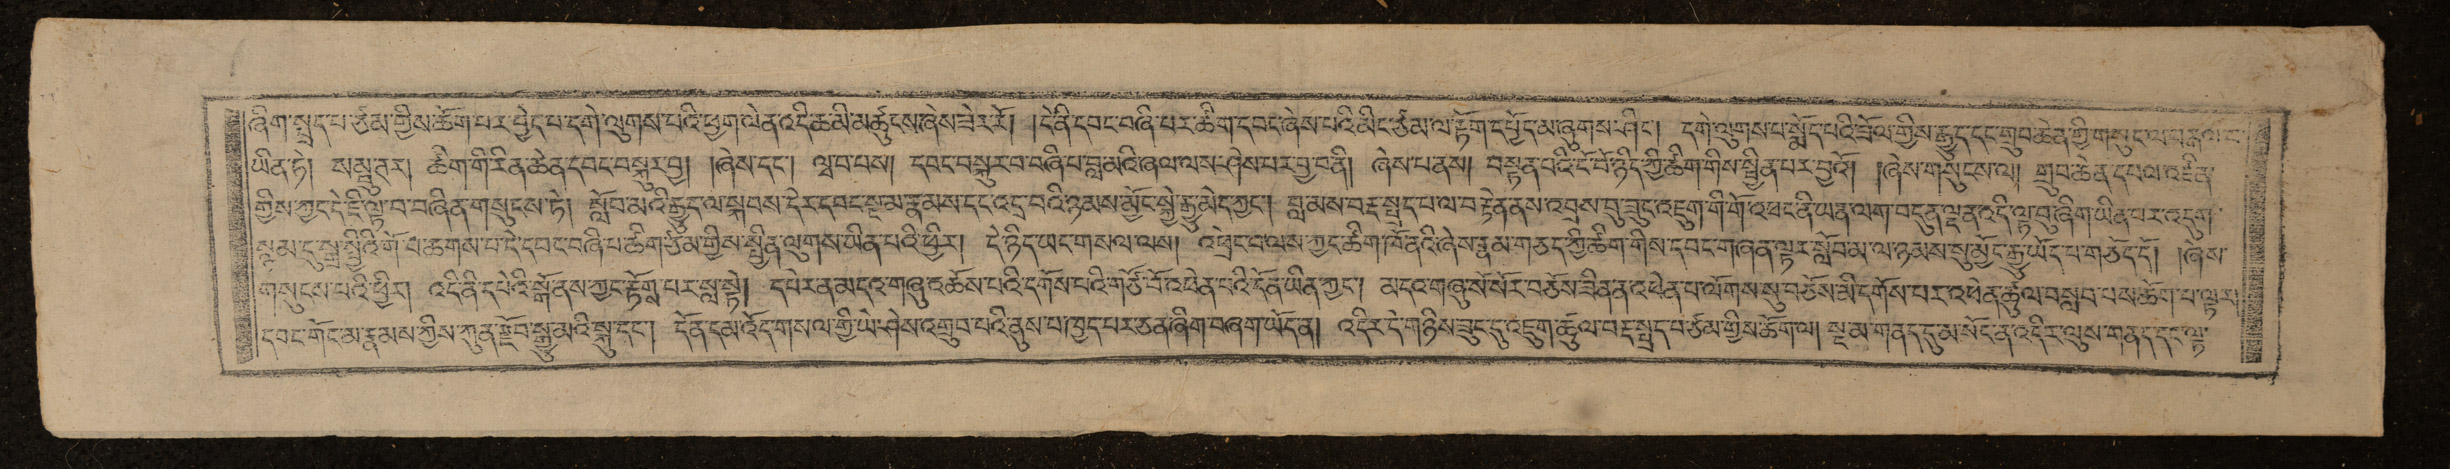ཞིག་སྤྲད་ལ་ཙམ་གྱིས་ཆོག་པར་བྱེད་པ་དགེ་ལུགས་པའི་ཕྱག་ལེན་འདི་ཆ་མི་མཚུངས་ཞེས་ཟེར་རོ། །དེ་ནི་དབང་བཞི་པར་ཚིག་དབང་ཞེས་པའི་མིང་ཙམ་ལ་རྟོག་དཔྱོད་མ་ཞུགས་ཤིང་། དགེ་ལུགས་བ་སྨོད་པའི་ཟོལ་གྱིས་རྒྱུད་དང་གྲུབ་ཆེན་གྱི་གསུངས་ལ་བརྒལ་བ་
ཡིན་ཏེ། སམྦུ་ཊར། ཚིག་གི་རིན་ཆེན་དབང་བཀུར་བྱ། །ཞེས་དང་། ལྭ་བ་པས། དབང་བསྐུར་བ་བཞི་པ་བླ་མའི་ཞལ་ལས་ཤེས་པར་བྱ་བ་ནི། ཞེས་པ་ནས། བསྟན་པའི་ངོ་བོ་ཉིད་ཀྱི་ཆིག་གིས་སྦྱིན་པར་བྱའོ། །ཞེས་གསུངས་ལ། གྲུབ་ཆེན་དཔལ་འཛིན་
གྱིས་ཀྱང་དེ་ཇི་ལྟ་བ་བཞིན་གསུངས་ཏེ། སློབ་མའི་རྒྱུད་ལ་སྐབས་དེར་དབང་སྔ་མ་རྣམས་དང་འདྲ་བའི་ཉམས་མྱོང་སྐྱེ་རྒྱུ་མེད་ཀྱང་། བླ་མས་བརྡ་སྤྲད་པ་ལ་བརྟེན་ནས་འབྲས་བུ་ཟུང་འཇུག་གི་གོ་འཕང་ནི་ཡན་ལག་བདུན་ལྡན་འདི་ལྟ་བུ་ཞིག་ཡིན་པར་འདུག་
སྙམ་དུ་སྨྲ་སྤྱིའི་གོ་བ་ཆགས་པ་དེ་དབང་བཞི་པ་ཚིག་ཙམ་གྱིས་སྦྱིན་ལུགས་ཡིན་པའི་ཕྱིར། དེ་ཉིད་ཡང་གསལ་ལས། འཕྲེང་བ་ལས་ཀྱང་ཚིག་ཁོ་ནའི་ཞེས་རྣམ་གཅད་ཀྱི་ཚིག་གིས་དབང་གཞན་ལྟར་སློབ་མ་ལ་ཉམས་སུ་མྱོང་རྒྱུ་ཡོད་བ་གཅོད་དོ། །ཞེས་
གསུངས་པའི་ཕྱིར། འདི་ནི་དཔེའི་སྒོ་ནས་ཀྱང་རྟོགས་པར་སླ་སྟེ། དཔེར་ན་མདའ་གཞུ་འཆོས་བའི་དགོས་པའི་གཙོ་བོ་འཕེན་པའི་དོན་ཡིན་ཀྱང་། མདའ་གཞུ་སོ་སོར་བཅོས་ཟིན་ན་འཕེན་པ་ལོགས་སུ་བཅོས་མི་དགོས་པར་འཕེན་ཚུལ་བསླབ་པས་ཆོག་པ་ལྟར་
དབང་གོང་མ་རྣམས་ཀྱིས་ཀུན་རྫོབ་སྒྱུ་མའི་སྐུ་དང་། དོན་དམ་འོད་གསལ་གྱི་ཡེ་ཤེས་འགྲུབ་པའི་ནུས་པ་ཁྱད་པར་ཅན་ཞིག་བཞག་ཡོད་ན། འདིར་དེ་གཉིས་ཟུང་དུ་འཇུག་ཚུལ་བརྡ་སྤྲད་པ་ཙམ་གྱིས་ཆོག་ལ། སྔ་མ་གནད་དུ་མ་སོང་ན་འདིར་ལུས་གནད་དང་ལྟ་